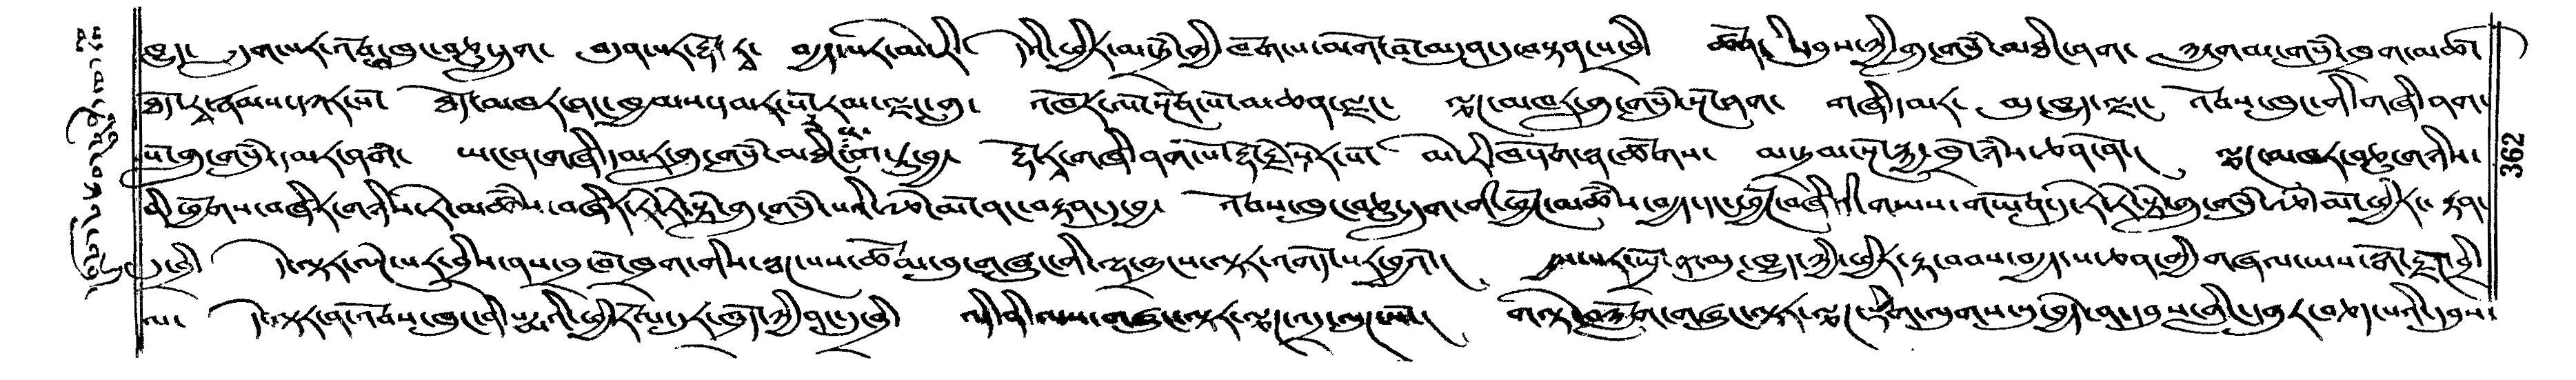ཁྱུད། དྲུག་པར་འོབས་ཁུང་བཅུ་དྲུག བདུན་པར་རྡོ་རྭ། བརྒྱད་པར་མེ་རི། དེའི་ཕྱིར་མ་ཏྲཾ་གྱི་ཁོག་པ་མགོ་བོ་མདུན་དུ་བསྟན་པ་བྲི། ཚོན། དབུས་ཀྱི་གྲུ་གསུམ་མཐིང་ནག ཟླ་གམ་གསུམ་ཁྲག་མཚོ། 
ཐོད་རྭ་རྣམས་དཀར་པོ། ཐོད་མཁར་ནང་ཁྱམས་དམར་པོའམ་ལྗང་གུ། འཁོར་ལོ་སྔོན་པོ་མཆན་ལྗང་། ལྕགས་མཁར་གྲུ་གསུམ་སྔོ་ནག གཞི་དམར། མུ་ཁྱུད་ལྗང་། འོབས་ཁུང་གི་གཞི་ནག་
པོ་གྲུ་གསུམ་དམར་ནག་གམ། ཡང་ན་གཞི་དམར་གྲུ་གསུམ་མཐིང་ནག་ཏུ་བྱ། རྡོ་རྭ་གཞི་ནག་པོ་རྡོ་རྗེ་སེར་པོ། མེ་རི་ཁ་དོག་སྣ་ཚོགས། མ་ཏྲཾ་སྔོ་སྐྱ་ཁྲོ་ཉམས་ཅན་ནོ། ལྕགས་མཁར་བཅུ་གཉིས་
ནི་ཕྱོགས་བཞིར་གཉིས་རེ་མཚམས་བཞིར་རེ་རེ་སྟེ་གྲུ་གསུམ་པའི་རྩེ་མོ་ནང་བསྟན་དུ་བྱ། འོབས་ཁུང་བཅུ་དྲུག་གི་ཕྱོགས་མཚམས་བརྒྱད་དང་ཕྱོགས་བཞིའི་གཡས་གཡོན་དུ་རེ་རེ་སྟེ་གྲུ་གསུམ་རྩེ་མོ་ཕྱིར་བསྟན་
དུ་བྲི། དེ་ལྟར་ལེགས་པར་བྲིས་ནས་བྲ་བོ་ཁྲག་གིས་སྦགས་པས་ཚོམ་བུ་གཞུང་གི་ལྷ་གྲངས་ལྟར་འགོད་པར་བྱའོ། རྒྱས་པར་སྤྲོ་ན་མུ་ཁྱུད་ཀྱི་ཕྱིར་རྟ་བབས་བརྒྱད་པ་ཅན་གྱི་གཞལ་ཡས་སྒོ་རྫོགས་བྲི་
ལ། དེ་ལྟར་ན་འོབས་ཁུང་ནི་པདྨའི་ཕྱི་རོལ་དུར་ཁྲོད་ཀྱི་ནང་དུ་བྲི། འདི་ནི་ལས་གཞུང་ལྟར་ལྕགས་འདྲ་ལུགས་སོ། གལ་ལྟེ་བཟློག་གཞུང་ལྟར་ལྕགས་སྡིག་ལུགས་སུ་བྱེད་ན་དབུས་གླིང་དགུར་བཅད་པའི་དབུས་